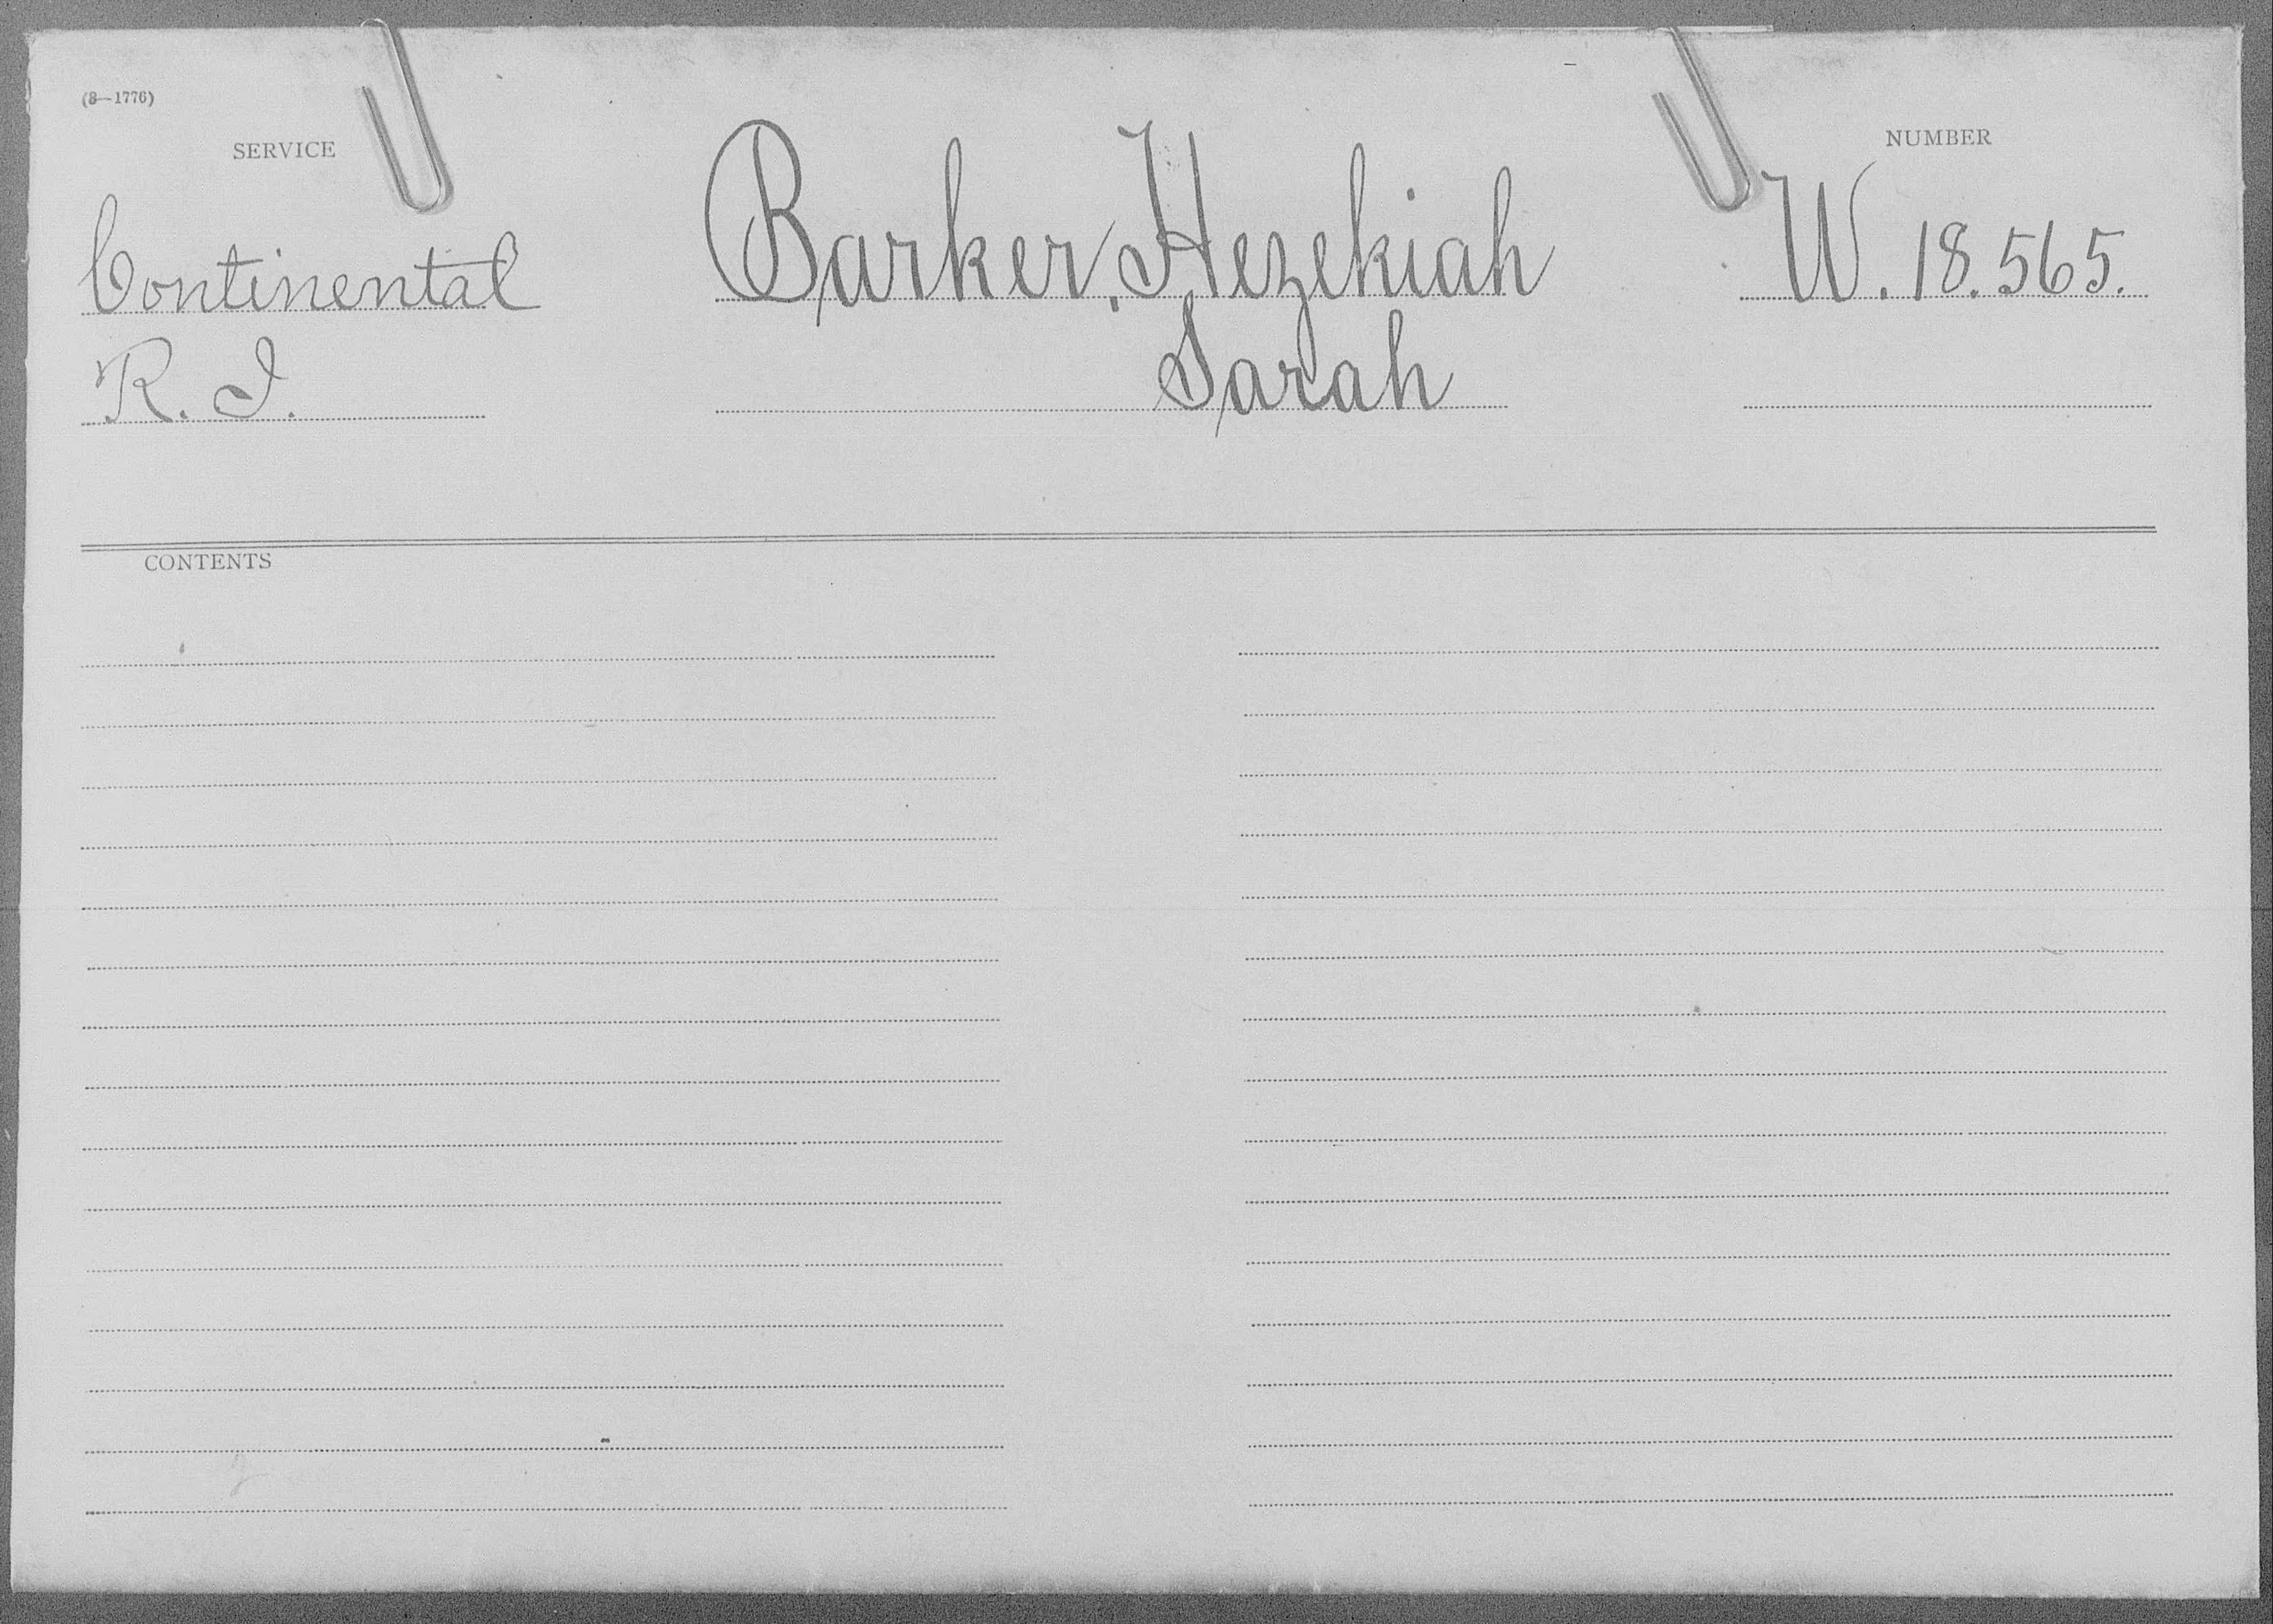Number Service
Continental Barker, Hezekiah W.18.565
R.I. Sarah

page: 1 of 52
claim: widow's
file: W. 18,565, Hezekiah Barker, Continental R.I.